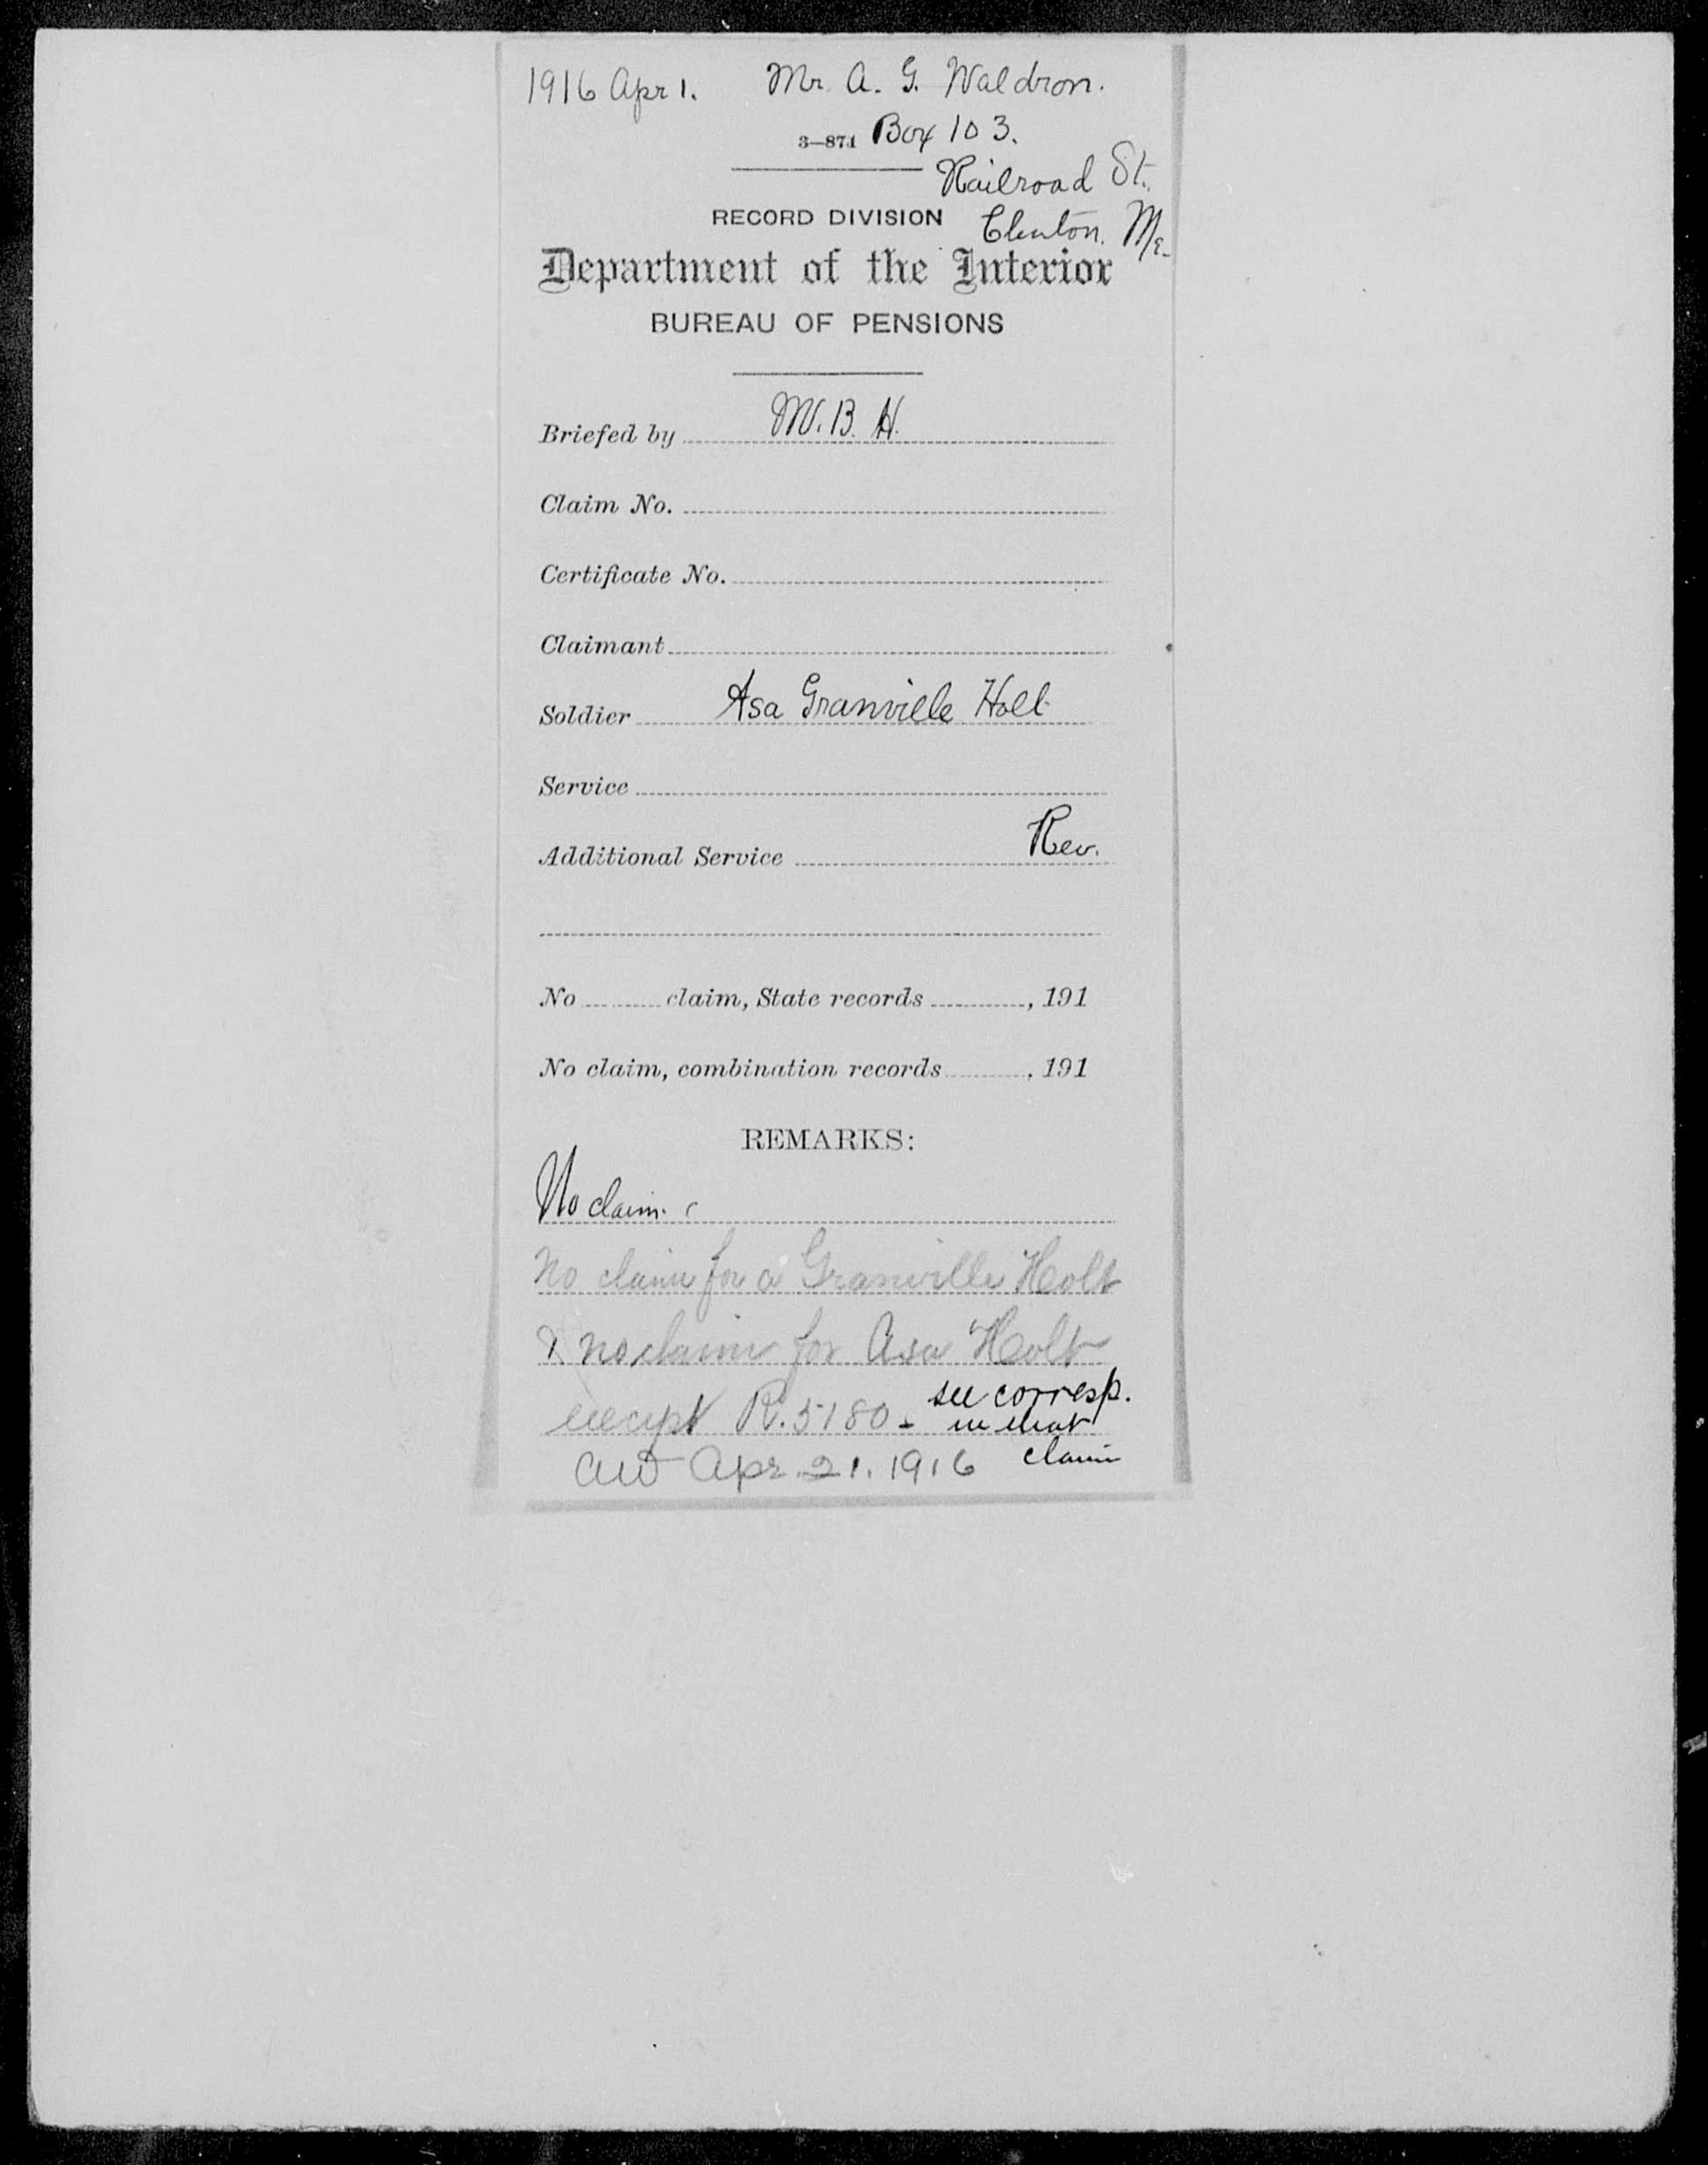1916 Apr 1.
Mr. A. G. Waldron
Box 103.
Railroad St.
RECORD DIVISION Clinton M.
Department of the Interior
BUREAU OF PENSIONS
Briefed by
Claim No.
Certificate No.
Claimant.
Soldier
Asa Granville Holt
Service
Additional Service
No.
W. B. H.
claim, State records
No claim, combination records.
REMARKS:
Rev
191
191
No claim
no claim for a Granville Holt
& no claim for Asa Holt
except R. 5180,
and Apr. 21. 1916 claim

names: A G Waldron, Granville Holt, Asa Holt, Asa Granville Holt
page: 9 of 24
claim: rejected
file: R. 5180, Asa Holt, Mass. Vt.